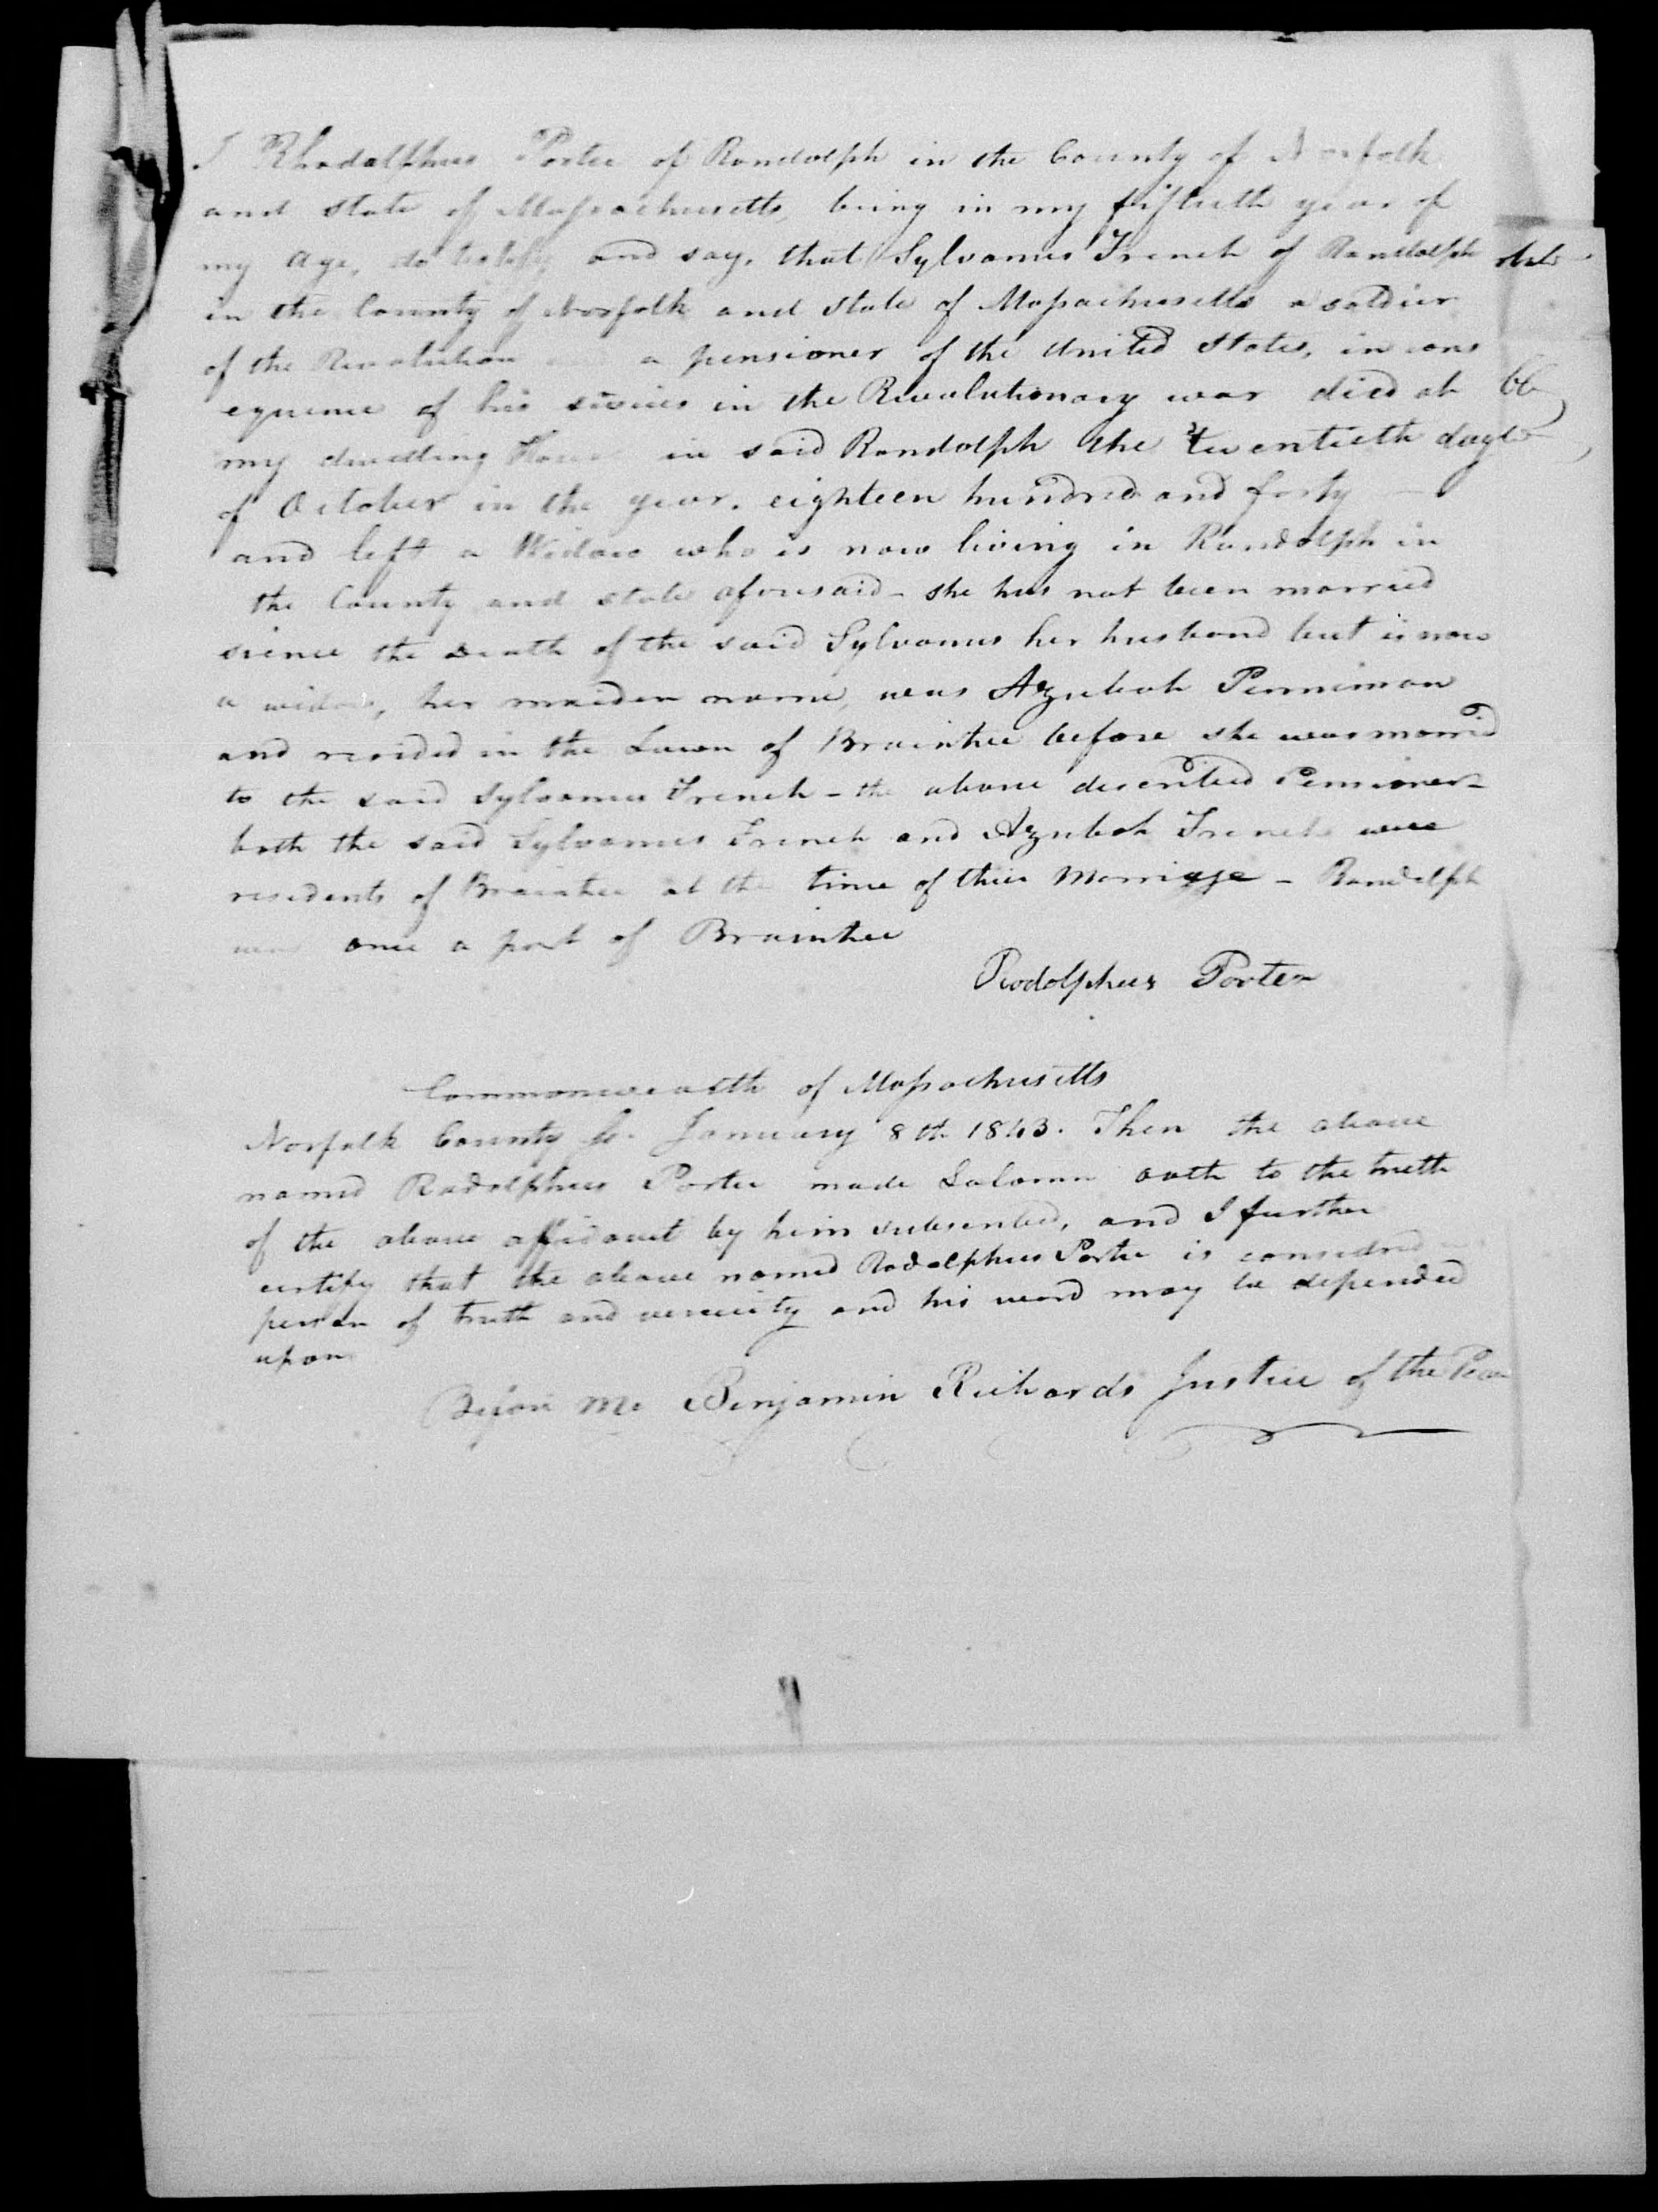I Rhodolphus Porter of Randolph in the County of Norfolk and State of Massachusetts, being in my fiftieth year of my age, do testify and say, that Sylvanus French of Randolph in the County of Norfolk and State of Massachusetts a soldier of the Revolution was a pensioner of the United States, in consequence of his services in the Revolutionary war died at my dwelling their in said Randolph the twentieth day of October in the year eighteen hundred and forty and left a Widow who is now living in Randolph in the County and state aforesaid -  she has not been married since the death of the said Sylvanus her husband but remains a widow, her maiden name was Azubah Penniman and resided in the Town of Braintree before she was married to the said Sylvanus French the above described Pensioner both the said Sylvanus French and Azubah French were residents of Braintree at the time of their Marriage - Randolph was once a part of Braintree.
Rodolphus Porter 

Commonwealth of Massachusetts Norfolk County January 8th 1843. Then the above named Rudolphus Porter made solemn oath to the truth of the above affidavit by him subscribed, and I further certify that the above named Rodolphus Porter is considered a person of truth and veracity and his word may be depended upon 

Before me Benjamin Richards Justice of the Peace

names: Sylvanus French, Sylvanus French, Benjamin Richards, Rodolphus Porter, Azubah Penniman, Sylvanus, Rodolphus Porter, Rhodolphus Porter, Azubah French, Sylvanus French, Rodolphus Porter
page: 17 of 38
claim: widow's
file: W. 24,235, Silvanus French, Mass.